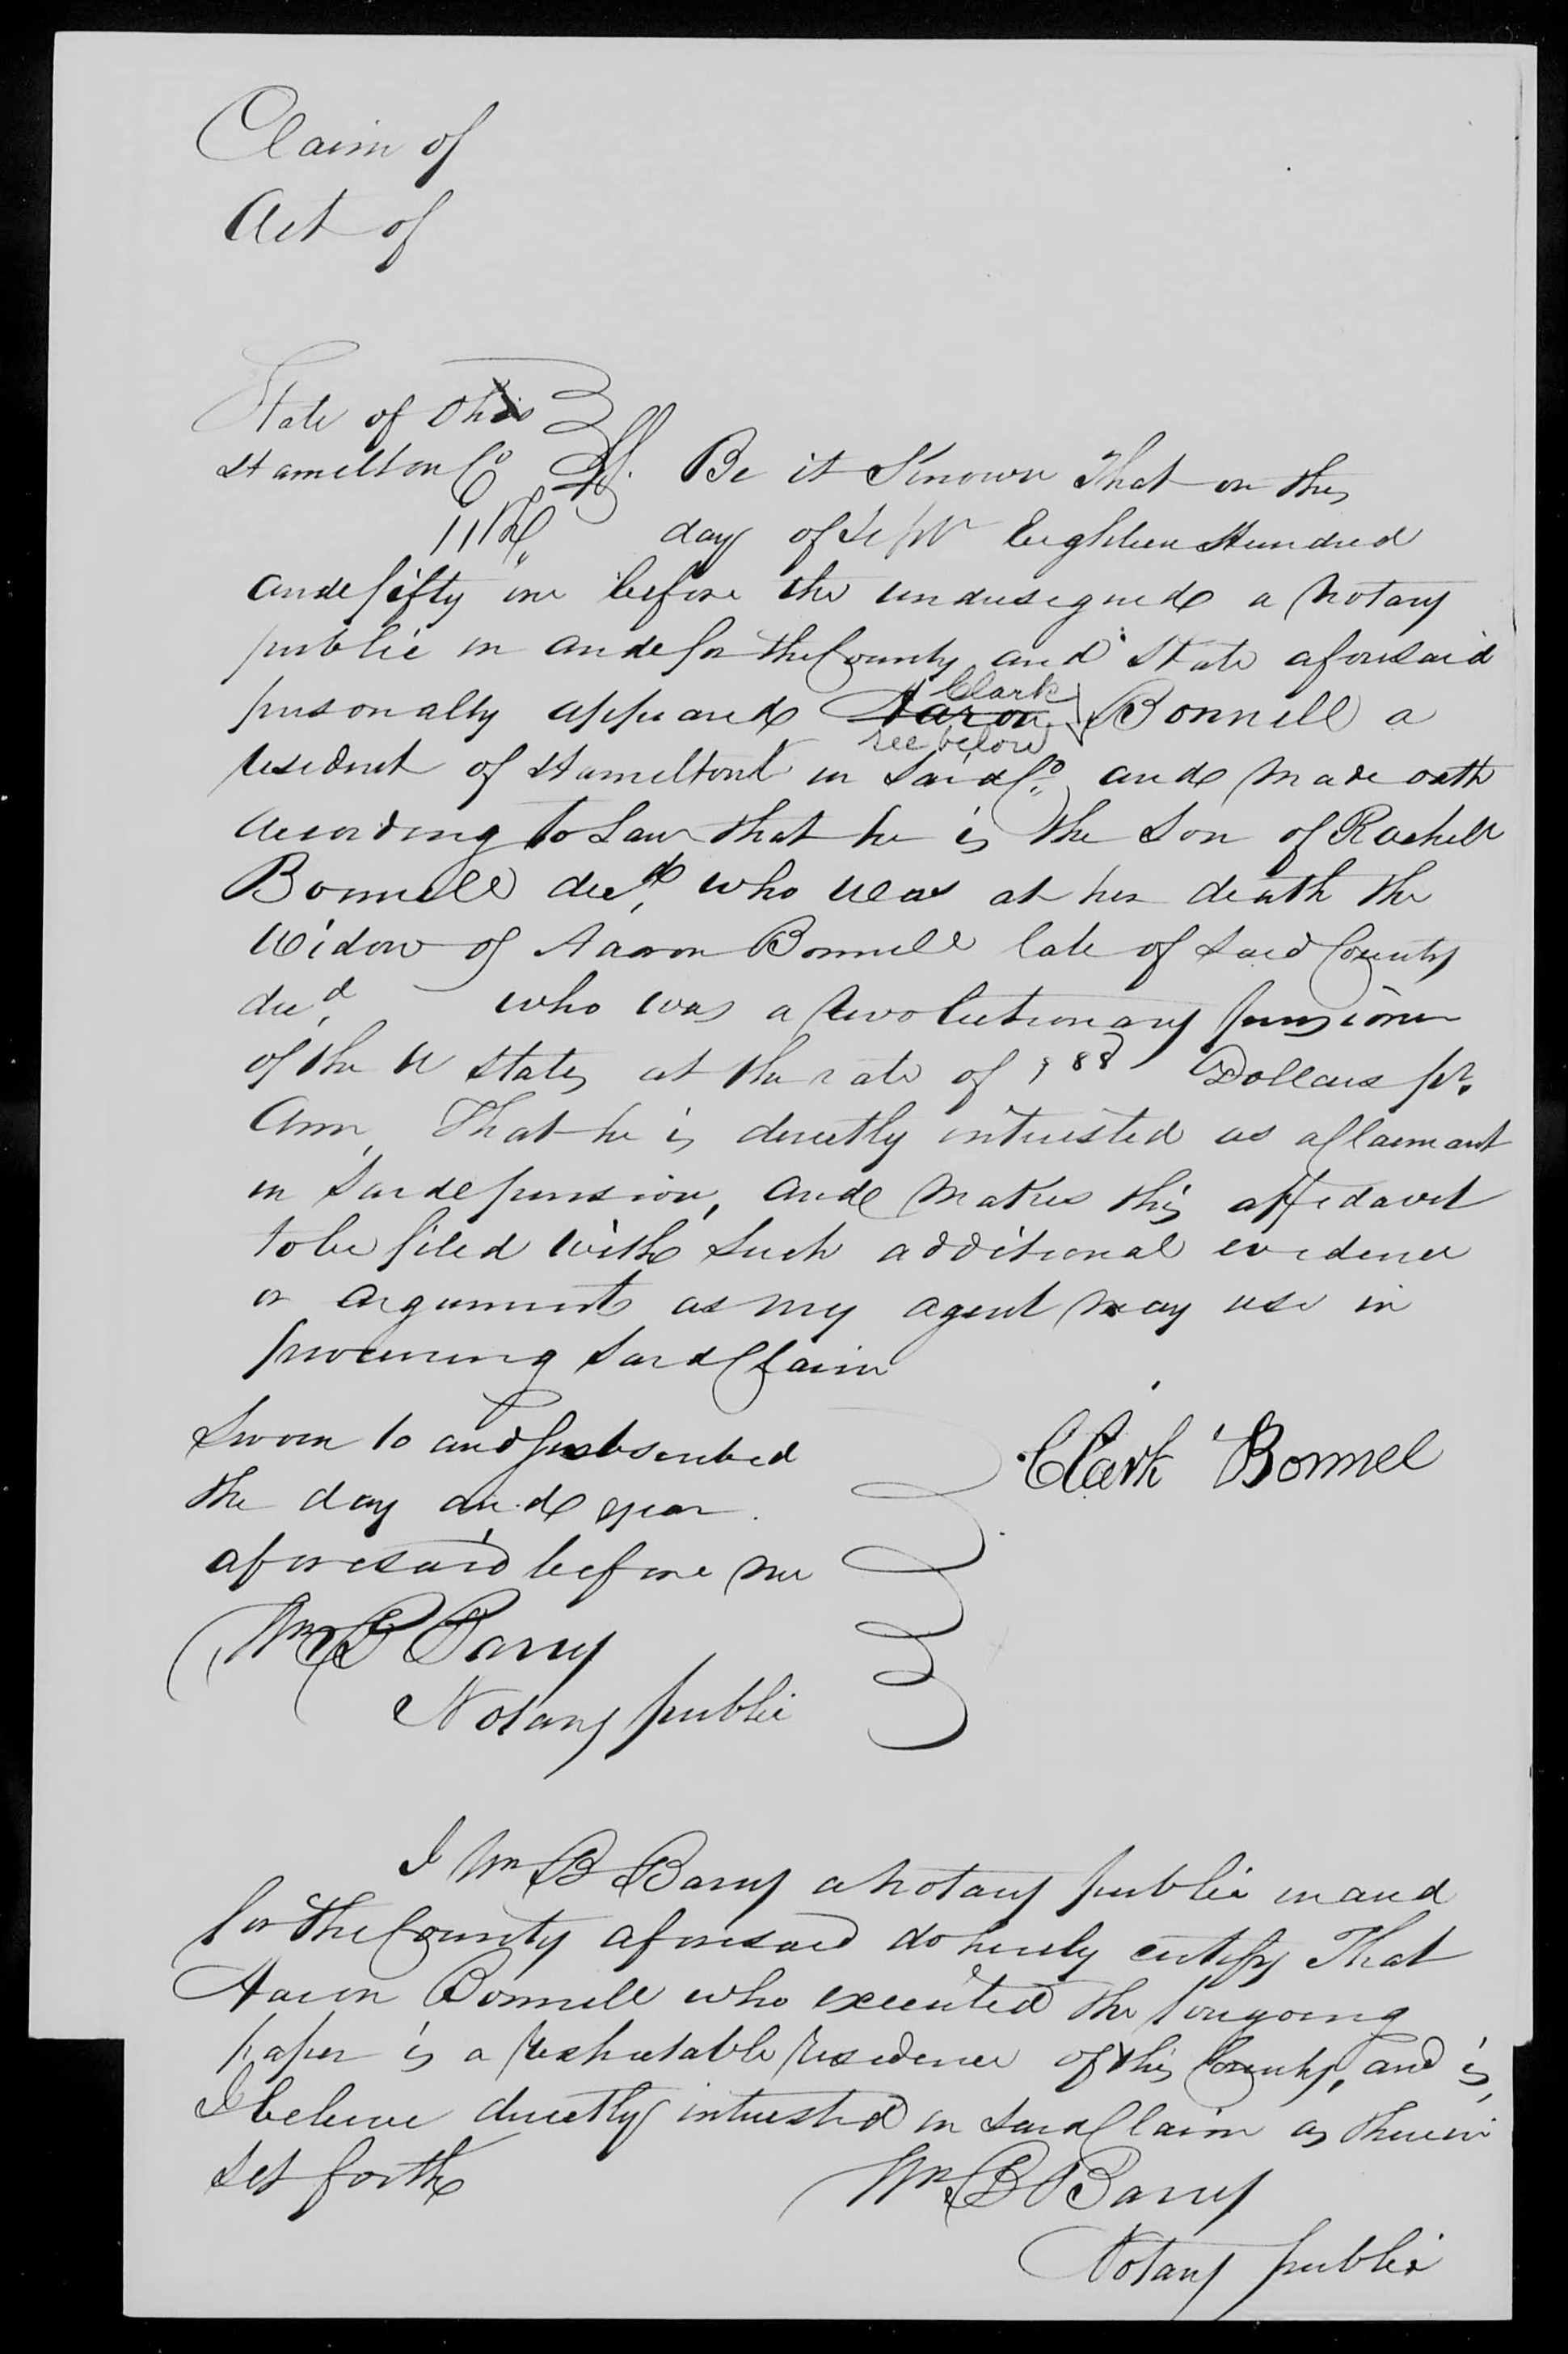Claim of
Act of

State of Ohio
Hamilton Co }ss.
Be it known that on this 11th day of Sept eighteen hundred and fifty one before the undersigned a Notary Public in and for the County and State aforesaid personally appeared Clark Bonnell (see below) a resident of Harrisburg in said County and made oath according to law that he is the son of Rachel Bonnel decd who was at her death the widow of Aaron Bonnell late of said County decd who was a Revolutionary pensioner of the U. States at the rate of 88 dollars per ann.  That he is directly interested as a claimant in said pension, and makes this affidavit to be filed with such additional evidence or arguments as my agent may use in procuring said claim.  
Clark Bonnel

Sworn to and subscribed the day and year aforesaid before me
Wm. B Barry
Notary Public

I Wm. B. Barry a notary public in and for the county aforesaid do hereby certify that Aaron  Bonnel who executed the foregoing paper is a respectable resident of this county and is I believe directly interested in said claim as therein set forth.
Wm B. Barry
Notary Public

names: Clark Bonnell, Clark Bonnel, Rachell Bonnell, Wm B Barry, Aaron Bonnell, Wm B Barry, Wm B Barry, Aaron Bonnell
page: 58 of 67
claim: rejected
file: R. 1009, Aaron Bonnel, New Jersey